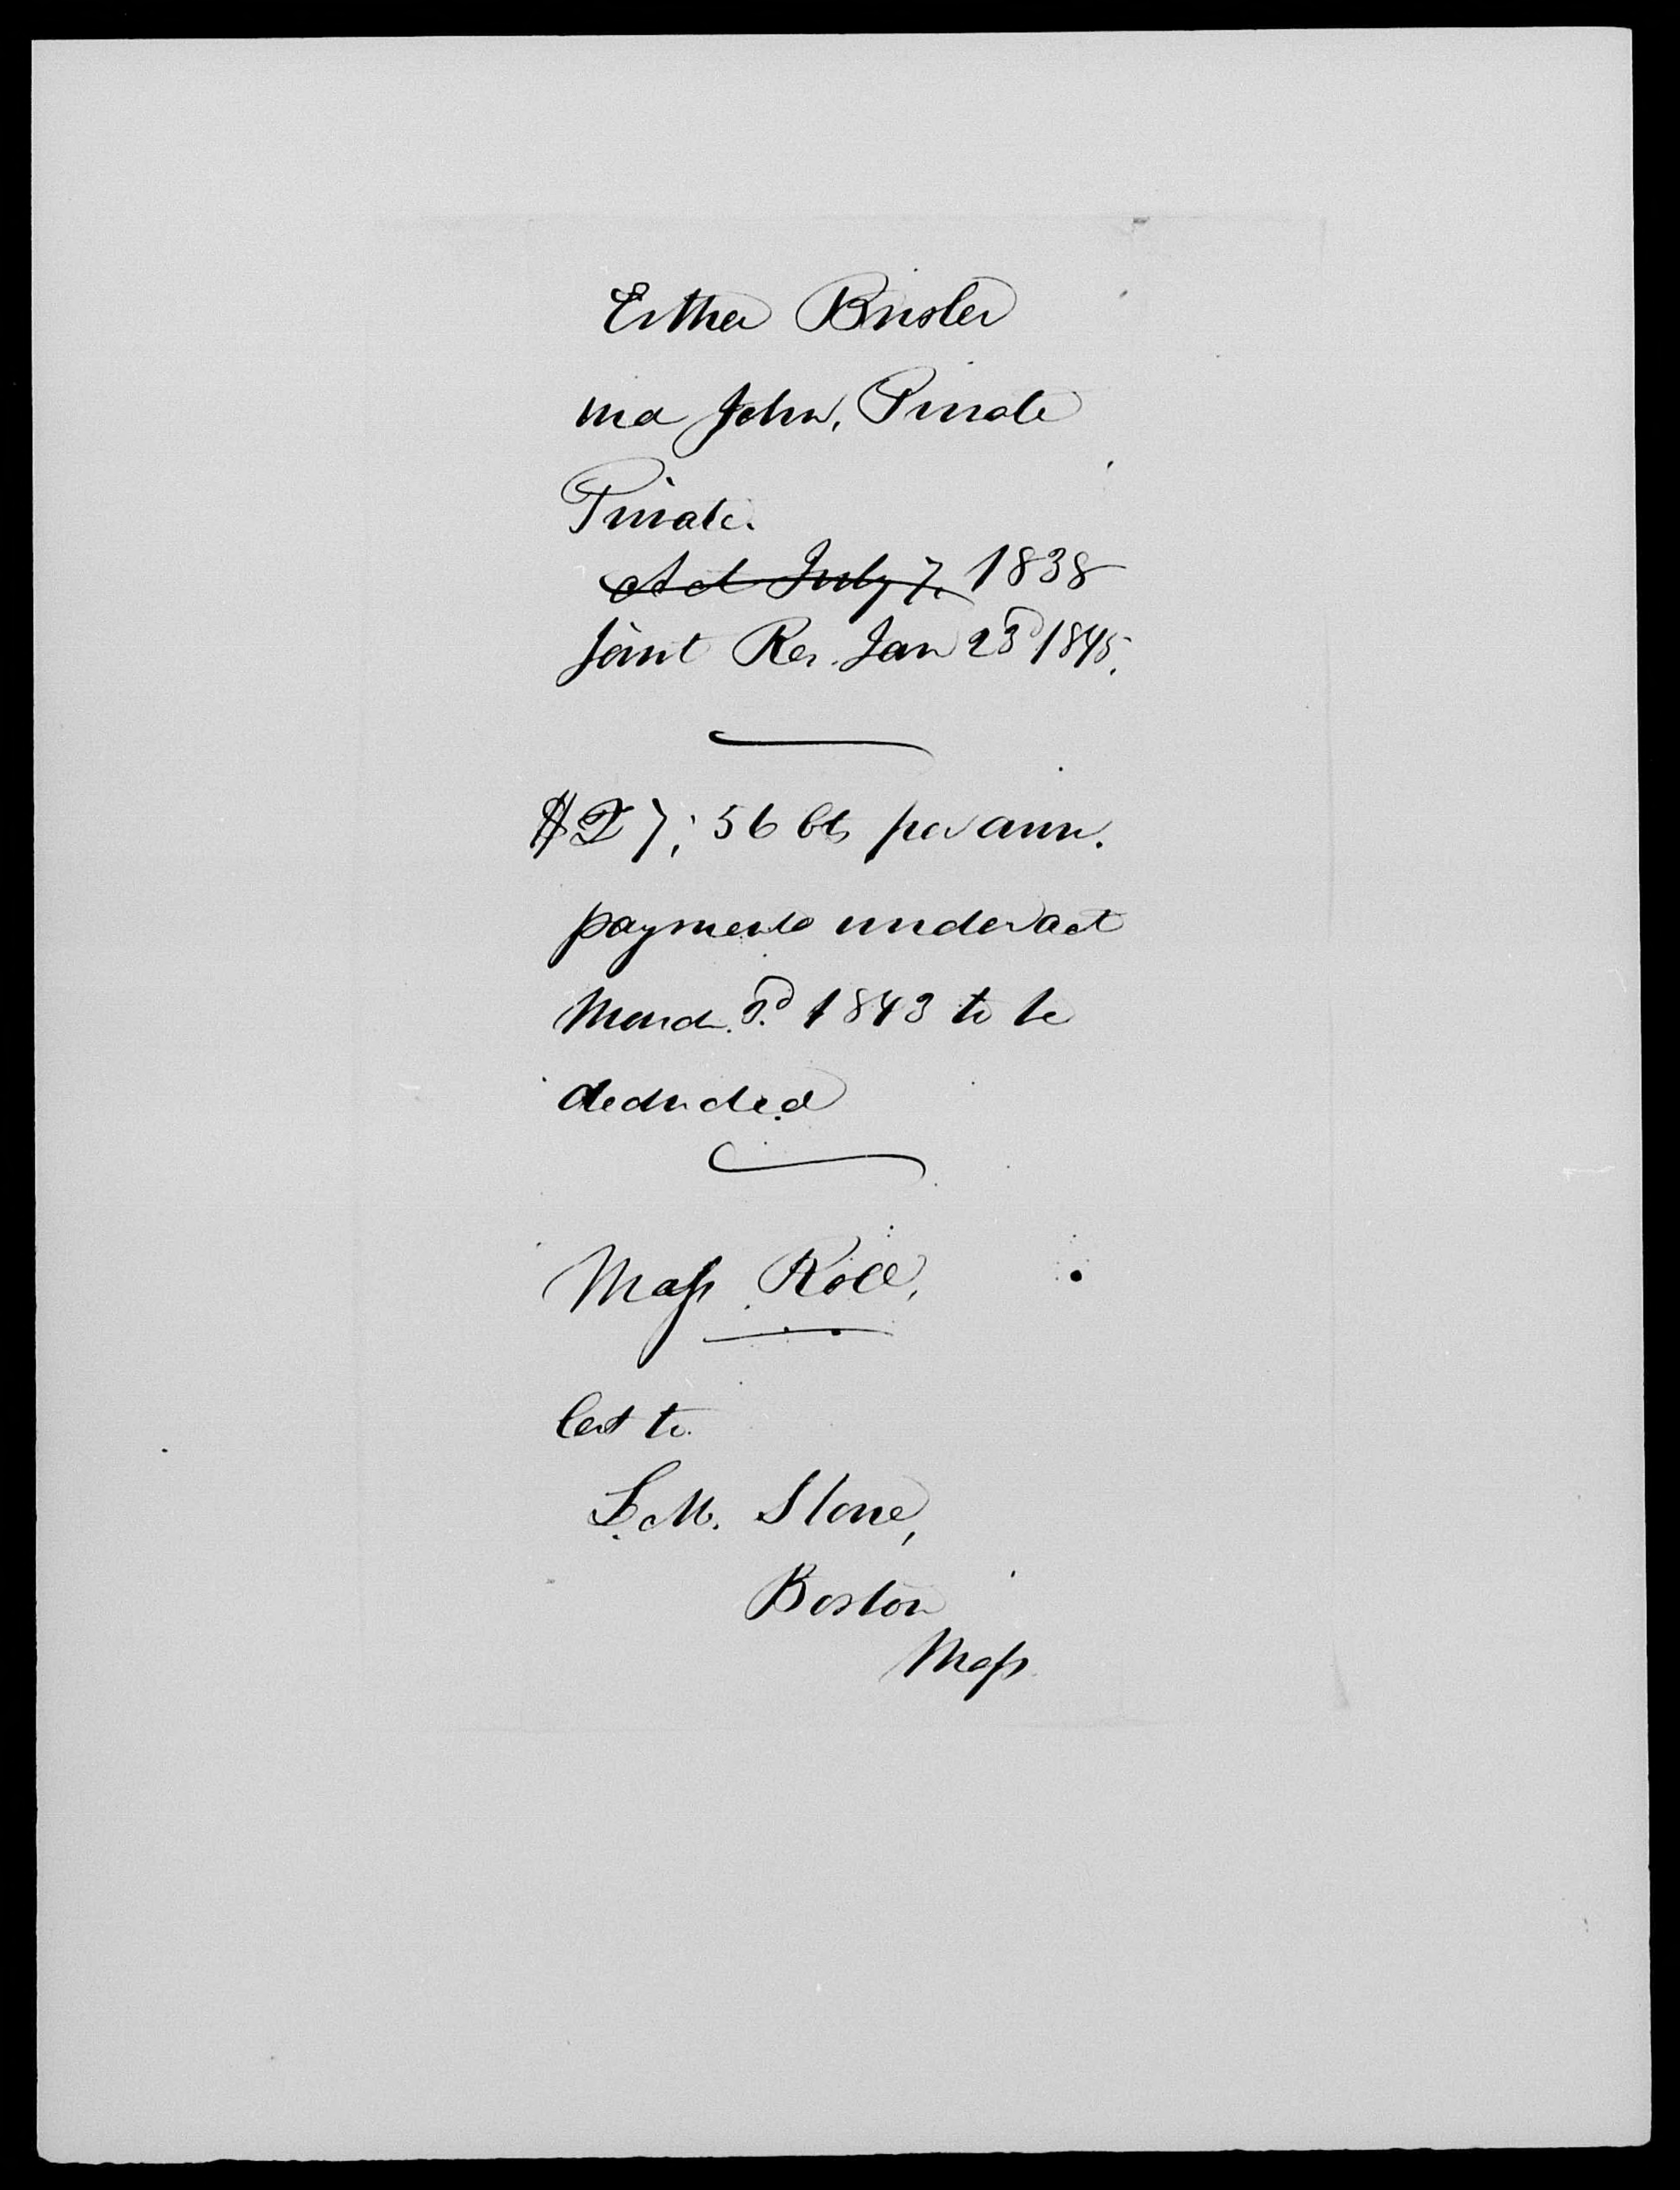Esther Brisler
Wid John Brisler
Private
Act of July 7, 1838
Joint Res Jan 23 1845
$ 27.56 cts per ann. 
Payment under Act March 3d 1834 to be deducted
Mass Roll 
Cert [illegible] L.S. Stone Boston Mass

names: L M Stone, John Brisler, Esther Brisler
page: 18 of 46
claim: widow's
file: W. 23,673, John Brisler, Mass.